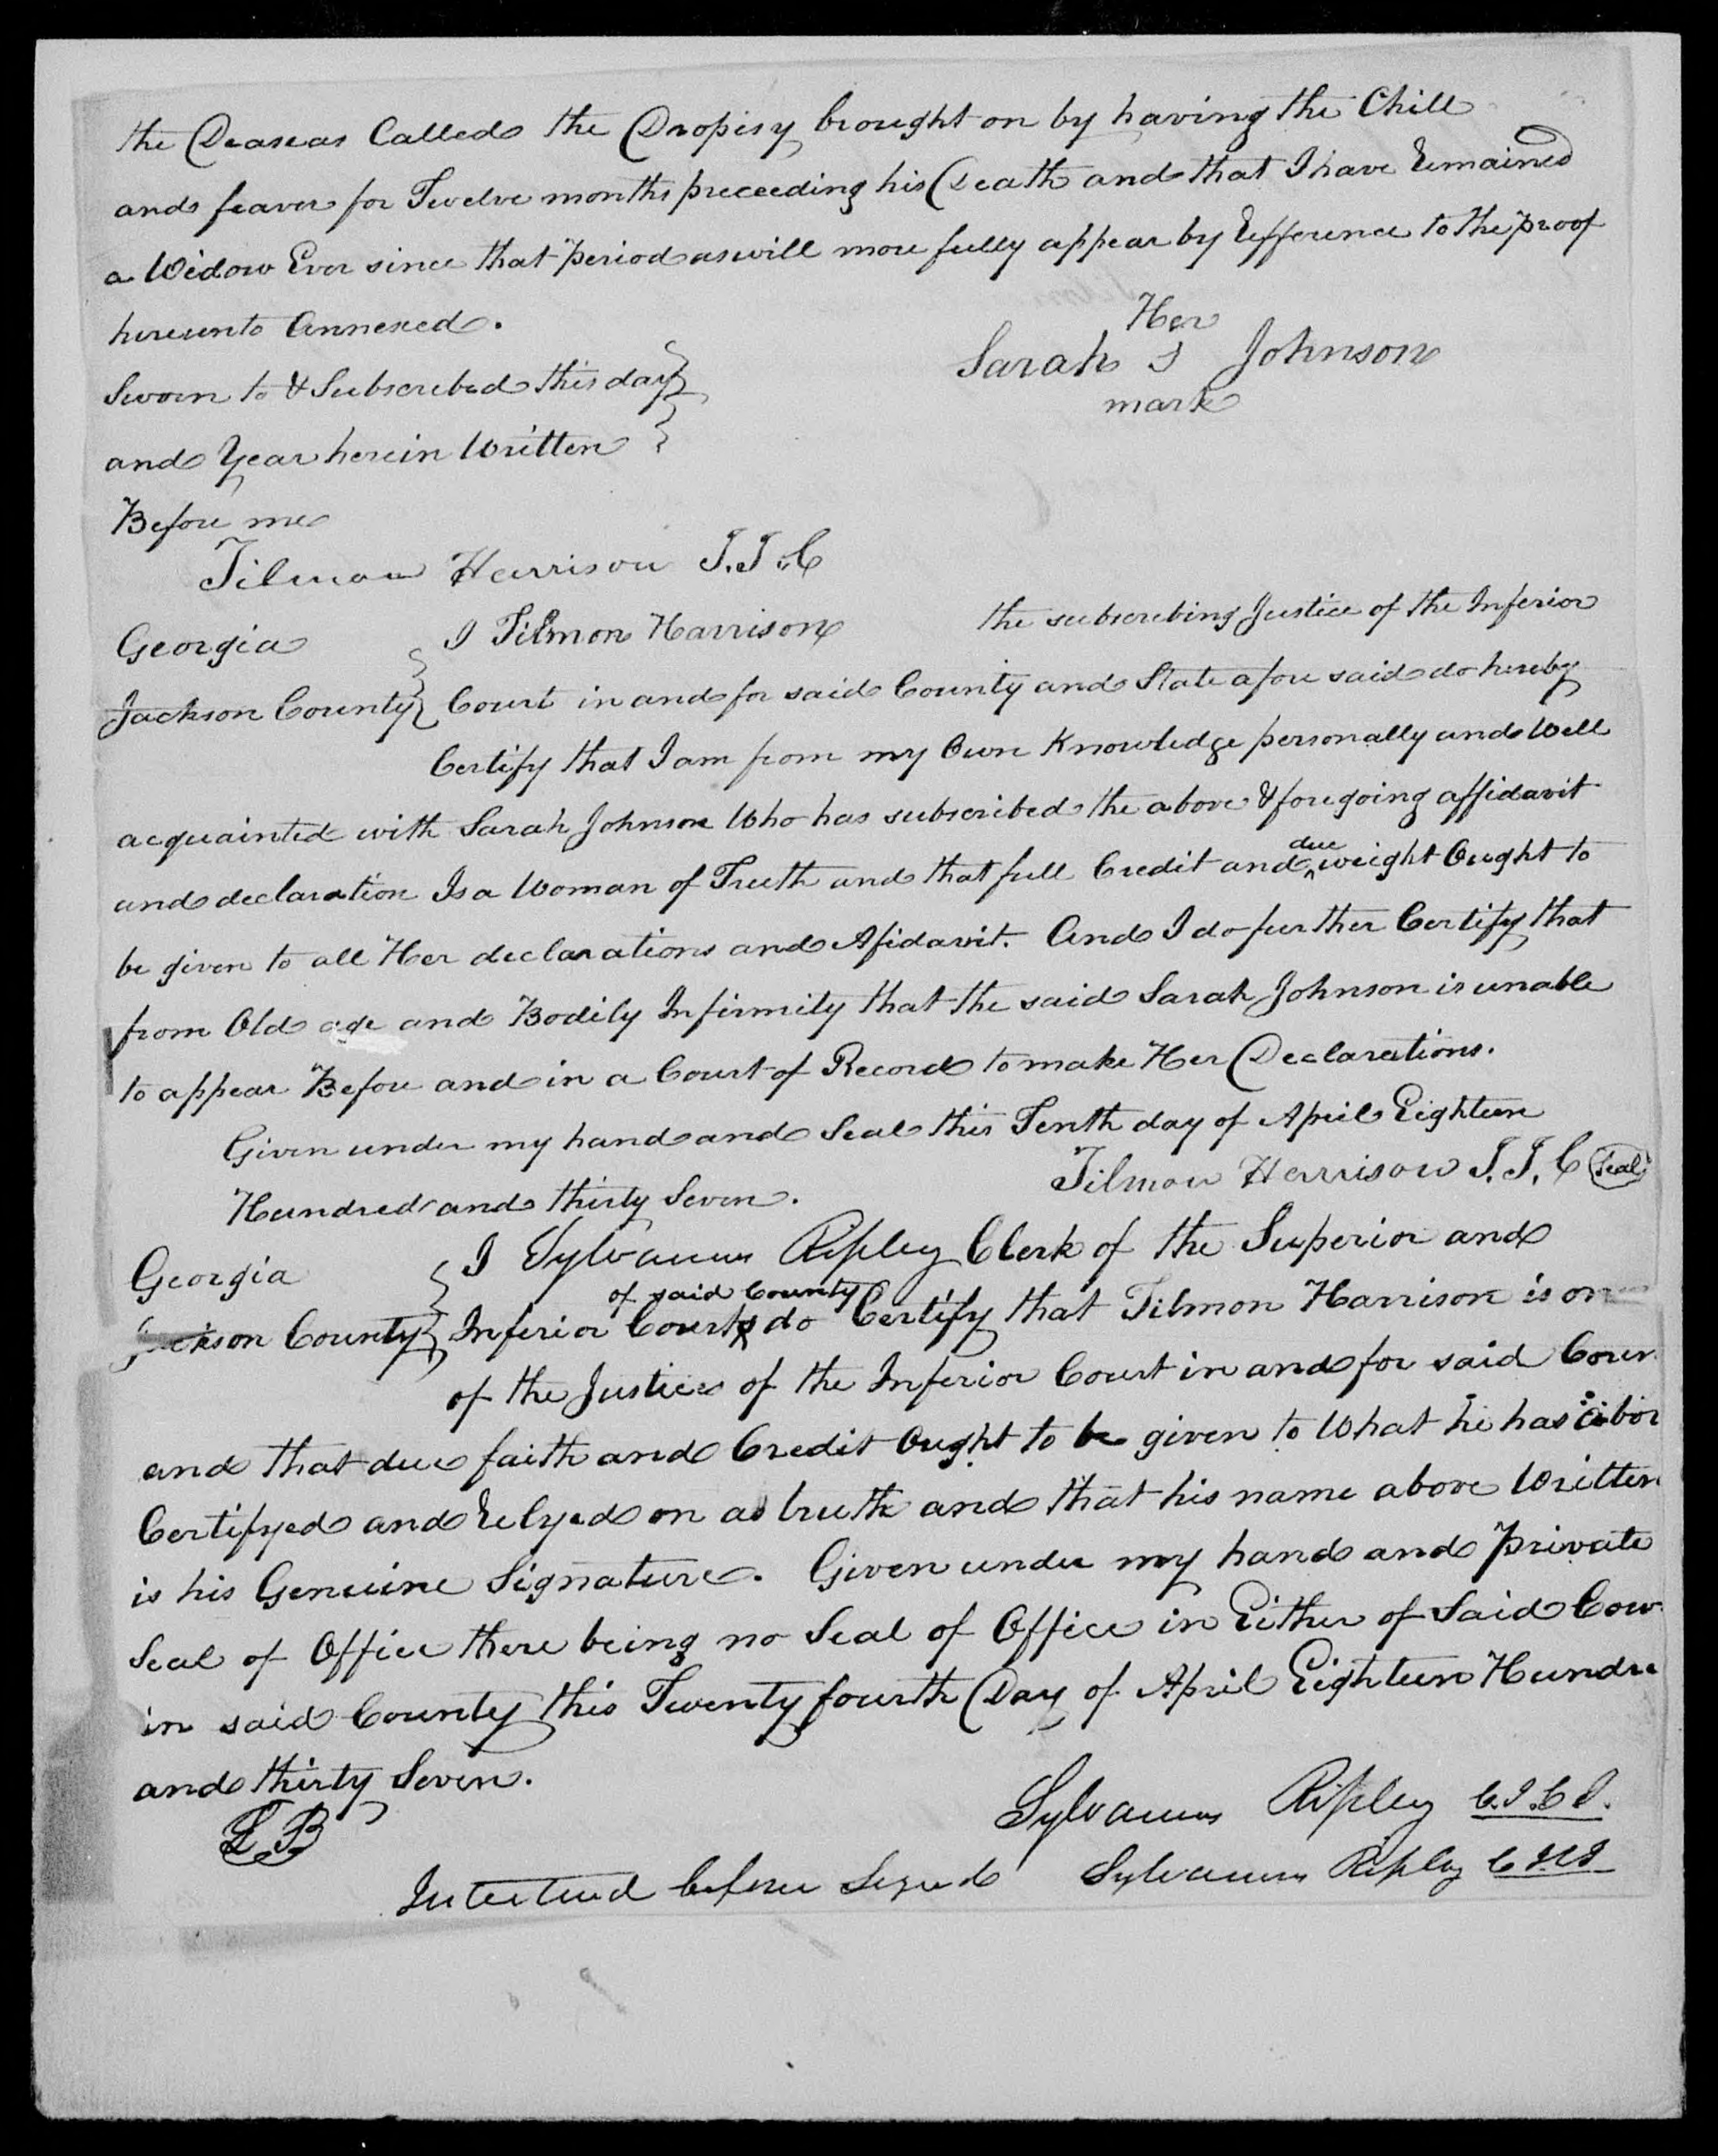the Diseases Called the Dropiesy brought on by having the Chill
and fever for Twelve months preceeding his Death and that I have Remained
a Widow ever since that period as will more fully appear by difference to the proof
hereunto Ammened.
Sworn to & Subscribed this day}
and Year herein Written}

{Her 
{Sarah T. Johnson
{mark

Before me
  Tilman Harrison J J I
Georgia}
Jackson County}  I Tilman Harrison the subscribing Justice of the Interior
Court in and for said County and State aforesaid do hereby
Certify that I am from my own knowledge personally and well
acquainted with Sarah Johnson Who has subscribed the above & foregoing affidavit
and declaration As a woman of the Truth and that full Credit and due weight Ought to
be given to all Her declarations and Affidavit.  And I do further Certify that 
fropm Old age and Bodily Infirmity that the said Sarah Johnson is unable
to appear Before and in a Court of Records to make her Declarations.

Given under my hand and Seal this Tenth day of April Eighteen
Hundred and thirty Seven.  Tilman Harrison J.J.I. [Seal]

Georgia {I Sylvannus Ripley Clerk of the Superior and
Jackson County { Interior Court of said County do Certify that Tilmon Harrison is one
of the Justices of the Interior Court in and for said County
and that due faith and Credit Ought to be given to What he has above
Certified and relied on as truth and that his name above written
is his Genuine Signature.  Given under my hand and private
Seal of Office there being no Seal of Office in Either of Said County
in said Country this Twenty fourth Day of April Eighteen Hundred
and thirty Seven.
[initials SR]
Sylvannus Ripley [ilegible initials]
Entered before Signed Sylvannus Ripley [illegible initials]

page: 4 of 26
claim: widow's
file: W. 4464, for John H Johnson, Georgia